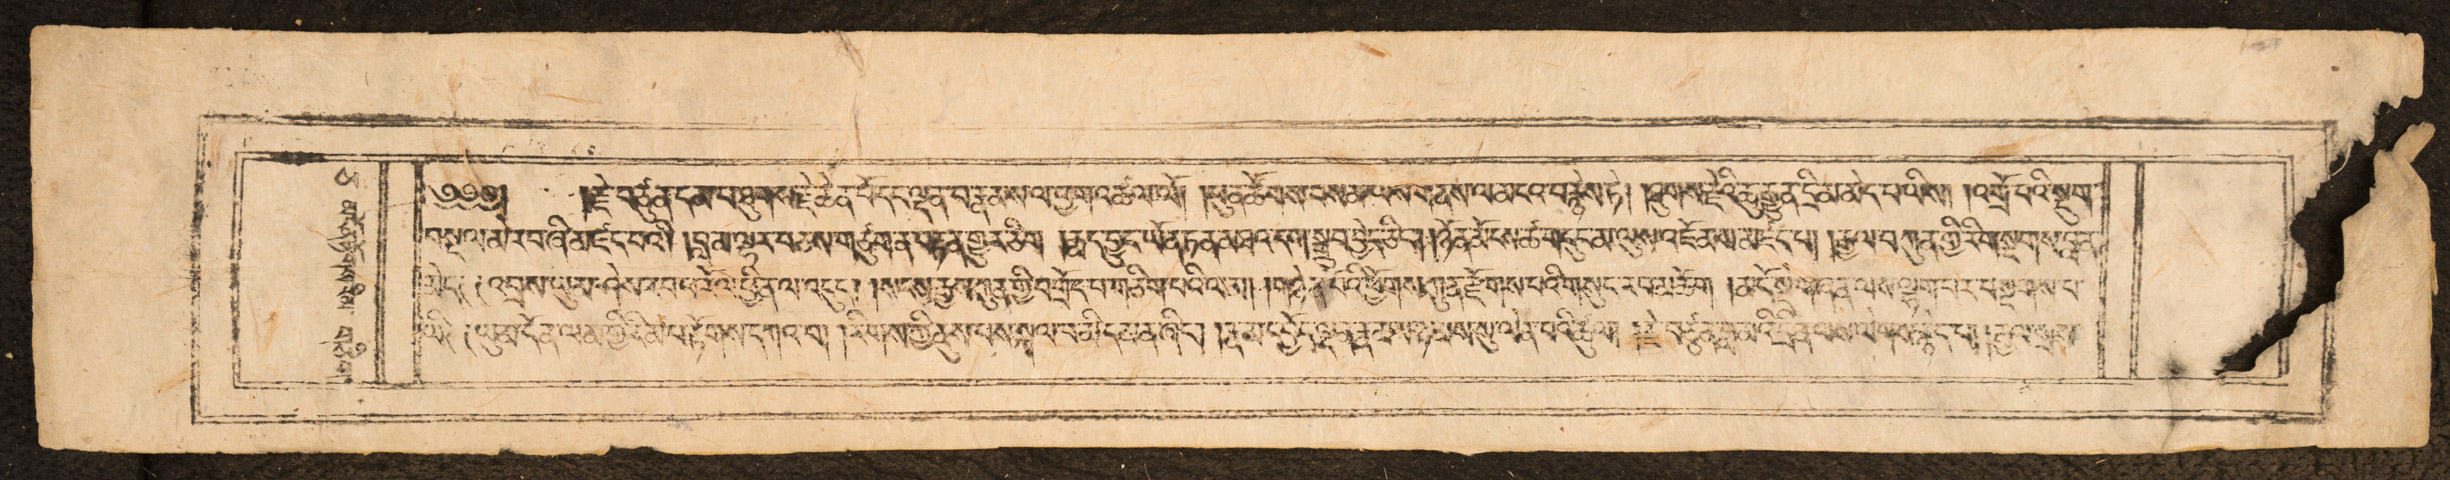༄༅༅། །རྗེ་བཙུན་དམ་པ་ཐུགས་རྗེ་ཆེན་པོ་དང་ལྡན་པ་རྣམས་ལ་ཕྱག་འཚལ་ལོ། །ཕུན་ཚོགས་བསམ་ཡས་གནས་ལ་མངའ་བརྙེས་ཏེ། །ཐུགས་རྗེའི་ཆུ་རྒྱུན་དྲི་མ་མེད་པ་ཡིས། །འགྲོ་བའི་སྡུག་
བསྔལ་མེ་རབ་ཞི་མཛད་པའི། །བླ་མ་ལྷར་བཅས་གཙུག་ན་བརྟན་གྱུར་ཅིག །རྨད་བྱུང་ཡོན་ཏན་མཐའ་དག་སྒྲུབ་བྱེད་ཅིང་། །ཉོན་མོངས་ཚ་གདུང་མ་ལུས་འཇོམས་མཛད་པ། །རྒྱལ་བ་ཀུན་གྱི་རིག་སྔགས་བླ་ན་
མེད། །འབྲས་ཡུམ་ཤེས་རབ་ཕ་རོལ་ཕྱིན་ལ་འདུད། །སངས་རྒྱས་ཀུན་གྱི་བགྲོད་པ་གཅིག་པའི་ལམ། །གཉེན་པོའི་ཕྱོགས་ཀུན་རྫོགས་པའི་གསུང་རབ་མཆོག །མདོ་སྡེ་གཞན་ལས་ལྷག་པར་བསྔགས་པ་
ཡི། །ཡུམ་དོན་ལམ་གྱི་རིམ་པ་རྟོགས་དཀའ་བ། །རིགས་ཀྱི་ནུས་པས་སྐལ་པ་མི་དམན་ཞིང་། །རྣམ་དཔྱོད་ལྡན་རྣམས་ཉམས་སུ་ལེན་པའི་ཚུལ། །རྗེ་བཙུན་བླ་མའི་དྲིན་ལས་ལེགས་རྙེད་པ། །རྒྱལ་སྲས་